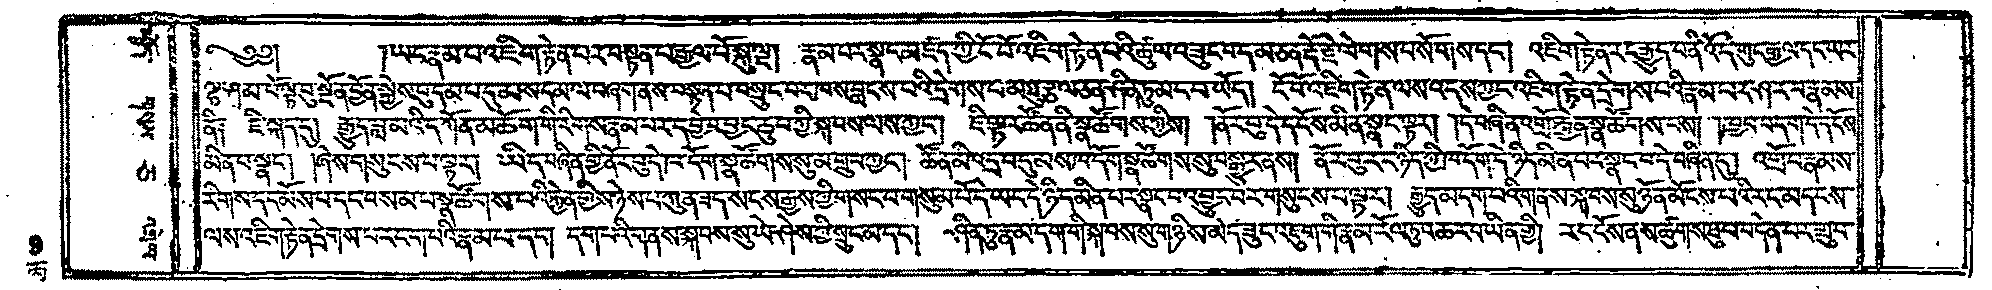༄༅། །ཡང་རྣམ་པ་འཇིག་རྟེན་པར་བསྟན་པ་རྒྱལ་པོ་སྐུ་ལྔ། རྣམ་པར་སྣང་མཛད་ཀྱི་ངོ་བོ་འཇིག་རྟེན་པའི་ཚུལ་བཟུང་བ་དམ་ཅན་རྡོ་རྗེ་ལེགས་པ་སོགས་དང་། འཇིག་རྟེན་རང་རྒྱུད་པ་ནི་འོ་དེ་གུང་རྒྱལ་དང་ཡར་
ལྷ་ཤམ་པོ་ལྟ་བུ་སྔོན་བྱོན་སྐྱེས་བུ་དམ་པ་དུ་མས་དམ་ལ་བཞག་ནས་བསྟན་པ་བསྲུང་བར་ཁས་བླངས་པའི་དྲེགས་པ་མཐུ་རྩལ་ཅན་ཤིན་ཏུ་མང་བ་ཡོད། ངོ་བོ་འཇིག་རྟེན་ལས་འདས་ཀྱང་འཇིག་རྟེན་དྲེགས་པའི་རྣམ་པར་ཤར་བ་རྣམས་
ནི༑ ཇི་སྐད་དུ། རྒྱུད་བླ་མའི་དཀོན་མཆོག་གི་རིགས་རྣམ་པར་དབྱེ་བ་བྱང་ཆུབ་ཀྱི་སྐབས་ལས་ཀྱང་། ཇི་ལྟར་ཚོན་ནི་སྣ་ཚོགས་ཀྱིས། །ནོར་བུ་དེ་དངོས་མིན་སྣང་ལྟར། །དེ་བཞིན་འགྲོ་རྐྱེན་སྣ་ཚོགས་པས། །ཁྱབ་བདག་དེ་དངོས་
མིན་པ་སྣང་། །ཞེས་གསུངས་པ་ལྟར། ཡིད་བཞིན་གྱི་ནོར་བུ་དེ་ཁ་དོག་སྣ་ཚོགས་སུ་མ་གྲུབ་ཀྱང་། ཚོན་མི་འདྲ་བ་དུ་མས་ཁ་དོག་སྣ་ཚོགས་སུ་བསྒྱུར་ནས། ནོར་བུ་རང་ཉིད་ཀྱི་ཁ་དོག་དེ་ཉིད་མིན་པར་སྣང་བ་དེ་བཞིན་དུ། འགྲོ་བ་རྣམས་
རིགས་དང་མོས་པ་དང་བསམ་པ་སྣ་ཚོགས་པའི་རྐྱེན་གྱིས་ཉེས་པ་ཀུན་ཟད་སངས་རྒྱས་ཀྱི་གསང་བ་གསུམ་པོ་དེ་ཡང་དེ་ཉིད་མིན་པར་སྣང་བ་འབྱུང་བར་གསུངས་པ་ལྟར། རྒྱུད་མ་དག་པའི་གནས་སྐབས་སུ་ཉོན་མོངས་པའི་རང་མདངས་
ལས་འཇིག་རྟེན་དྲེགས་པ་རང་ག་པའི་རྣམ་པ་དང་། དག་པའི་གནས་སྐབས་སུ་ཡེ་ཤེས་ཀྱི་སྲུང་མ་དང་། ཤིན་ཏུ་རྣམ་དག་གི་སྐབས་སུ་གཉིས་མེད་ཟུང་འཇུག་གི་རྣམ་རོལ་ཏུ་འཆར་བ་ཡིན་གྱི། རང་ངོས་ནས་ཚུགས་ཐུབ་བདེན་པར་གྲུབ་